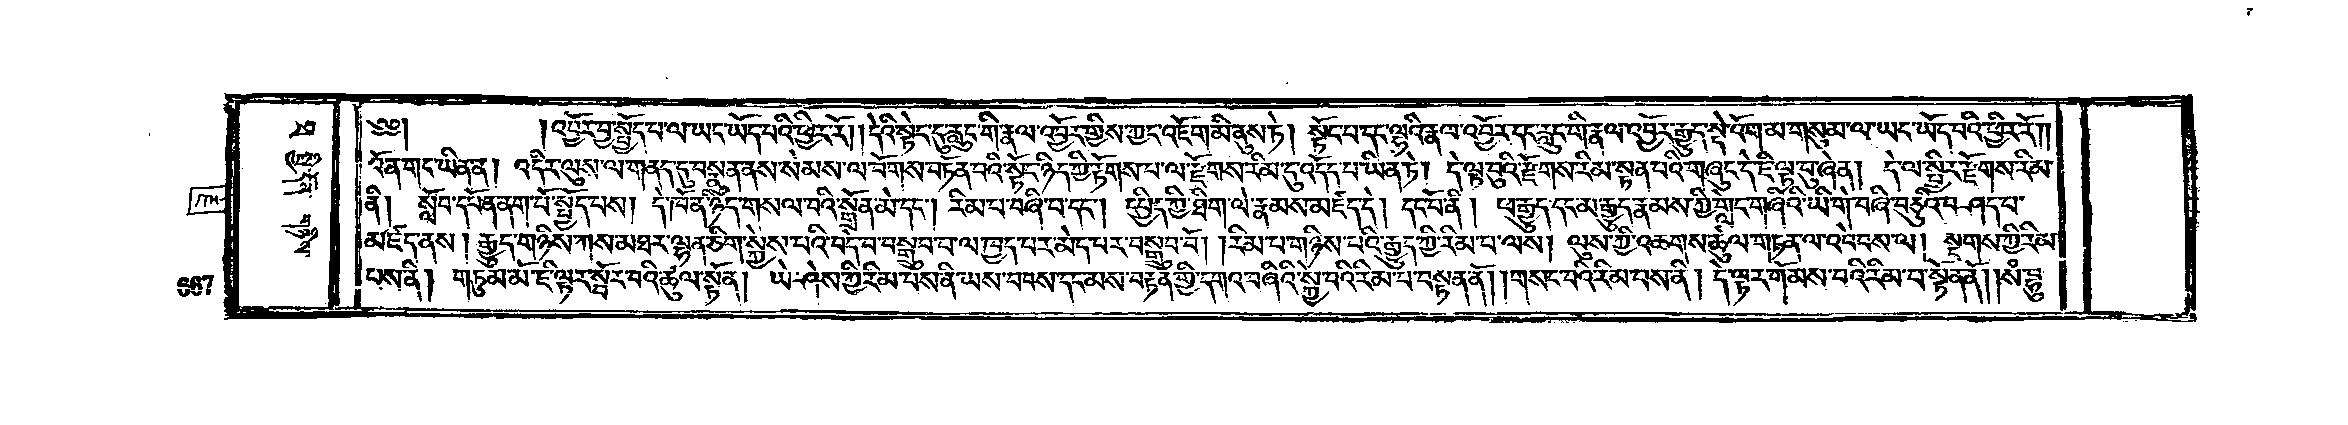༄༅། །འབྱོར་བྱ་སྤྱོད་པ་ལ་ཡང་ཡོད་པའི་ཕྱིར་རོ། །དེའི་སྟེང་དུ་རླུང་གི་རྣལ་འབྱོར་གྱིས་ཀྱང་འཇོག་མི་ནུས་ཏེ། སྟོང་པ་དང་ལྷའི་རྣལ་འབྱོར་དང་རླུང་གི་རྣལ་འབྱོར་རྒྱུད་སྡེ་འོག་མ་གསུམ་ལ་ཡང་ཡོད་པའི་ཕྱིར་རོ། །
འོན་གང་ཡིན་ན། འདིར་ལུས་ལ་གནད་དུ་བསྣུན་ནས་སེམས་ལ་བོགས་བཏོན་པའི་སྟོང་ཉིད་ཀྱི་རྟོགས་པ་ལ་རྫོགས་རིམ་དུ་འདོད་པ་ཡིན་ཏེ། དེ་ལྟ་བུའི་རྫོགས་རིམ་སྟན་པའི་གཞུང་དེ་ཇི་ལྟ་བུ་ཞེན། དེ་ལ་སྤྱིར་རྫོགས་རིམ་
ནི། སློབ་དཔོན་ནག་པོ་སྤྱོད་པས། དེ་ཁོ་ན་ཉིད་གསལ་བའི་སྒྲོན་མེ་དང་། རིམ་པ་བཞི་པ་དང་། དཔྱིད་ཀྱི་ཐིག་ལེ་རྣམས་མཛད་དེ། དང་པོ་ནི། ཕ་རྒྱུད་དང་མ་རྒྱུད་རྣམས་ཀྱི་གླེང་གཞིའི་ཡི་གེ་བཞི་བཅུའི་བཤད་པ་
མཛད་ནས། རྒྱུད་གཉིས་ཀས་མཐར་ལྷན་ཅིག་སྐྱེས་པའི་བདེ་བ་བསྒྲུབ་པ་ལ་ཁྱད་པར་མེད་པར་བསྒྲུབ་བོ། །རིམ་པ་གཉིས་པའི་རྒྱུད་ཀྱི་རིམ་པ་ལས། ལུས་ཀྱི་འཆགས་ཚུལ་གཏན་ལ་འབེབས་ལ། སྔགས་ཀྱི་རིམ་
པས་ནི། གཏུམ་མོ་ཇི་ལྟར་སྦོར་བའི་ཚུལ་སྟོན། ཡེ་ཤེས་ཀྱི་རིམ་པས་ནི་ཡས་བབས་དང་མས་བརྟན་གྱི་དགའ་བཞིའི་སྐྱེ་བའི་རིམ་པ་བསྟན་ནོ། །གསང་བའི་རིམ་པས་ནི། དེ་ལྟར་གོམས་པའི་རིམ་པ་སྟོན་ནོ། །སཾ་བྷུ་